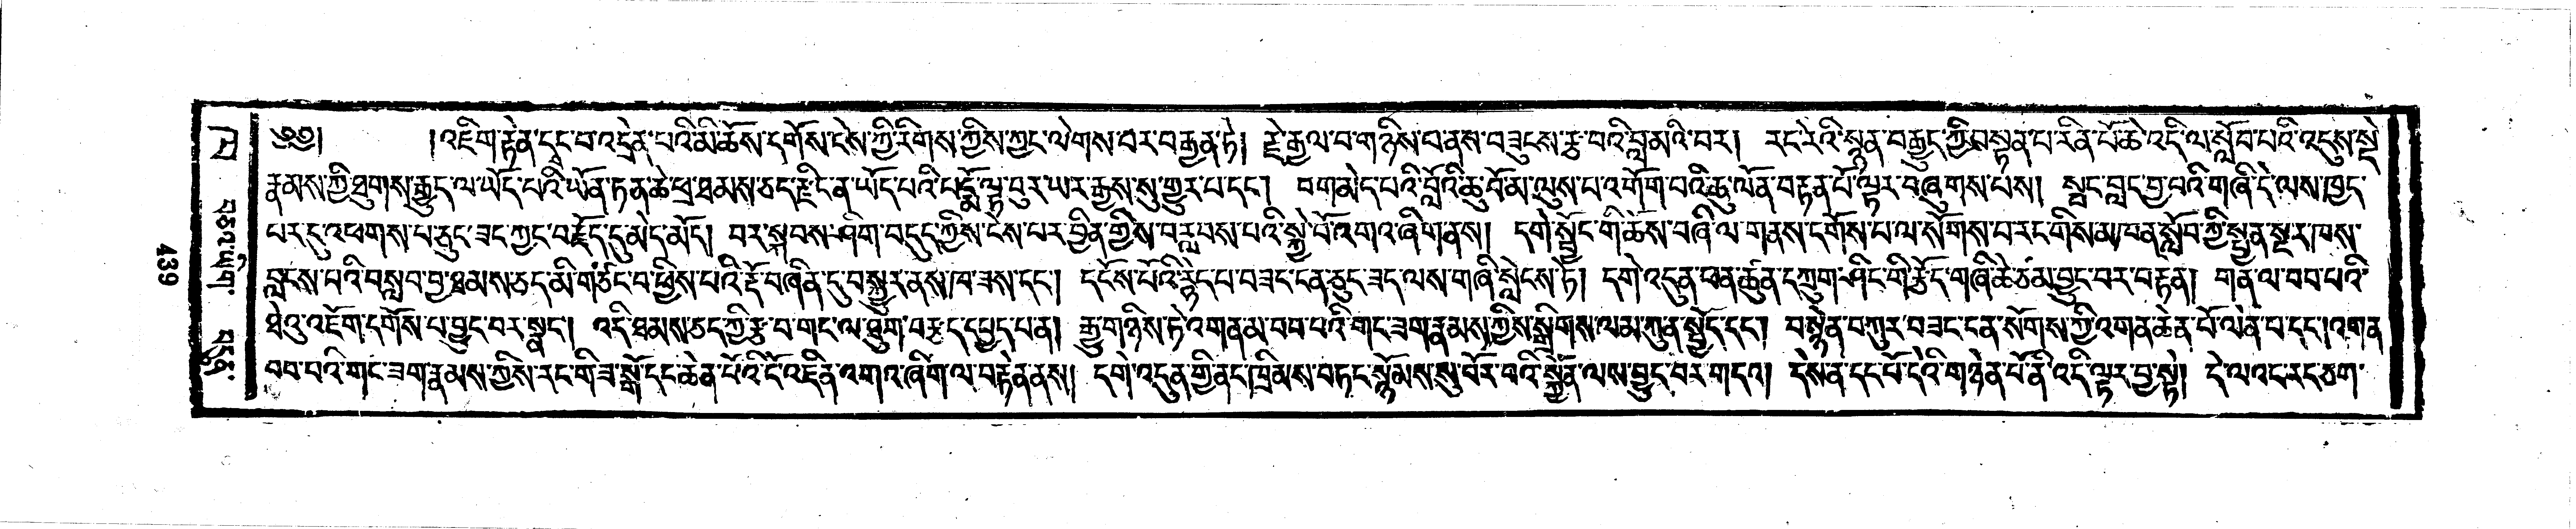༄༅། །འཇིག་རྟེན་དྭང་བ་འདྲེན་པའི་མི་ཆོས་དགོས་ངེས་ཀྱི་རིགས་ཀྱིས་ཀྱང་ལེགས་བར་བརྒྱན་ཏེ། རྗེ་རྒྱལ་བ་གཉིས་བ་ནས་བཟུངས་རྩ་བའི་བླ་མའི་བར། རང་རེའི་སྙན་བརྒྱུད་ཀྱི་བསྟན་པ་རིན་པོ་ཆེ་འདི་ལ་སློབ་པའི་འདུས་སྡེ་
རྣམས་ཀྱི་ཐུགས་རྒྱུད་ལ་ཡོད་པའི་ཡོན་ཏན་ཆེ་ཕྲ་ཐམས་ཅད་རྫིང་ན་ཡོད་པའི་པདམོ་ལྟ་བུར་ཡར་རྒྱས་སུ་གྱུར་པ་དང་། བག་མེད་པའི་བློའི་ཆུ་བོ་མ་ལུས་པའི་འགོག་བའི་ཆུ་ལོན་བརྟན་པོ་ལྟར་བཞུགས་པས། སྦང་བླང་བྱ་བའི་གཞི་དེ་ལས་ཁྱད་
པར་དུ་འཕགས་པ་ཅུང་ཟད་ཀྱང་བརྗོད་དུ་མེད་མོད། བར་སྐབས་ཤིག་བདུད་ཀྱིས་ངེས་པར་བྱིན་གྱིས་བརླབས་པའི་སྐྱེ་བོ་འགའ་ཞིག་ནས། དགེ་སྦྱོང་གི་ཆོས་བཞི་ལ་གནས་དགོས་པ་ལ་སོགས་བ་རང་གིས་མཁན་སློབ་ཀྱི་སྤྱན་སྔར་ཁས་
བླངས་པའི་བསླབ་བྱ་ཐམས་ཅད་མི་གཙང་བ་ཕྱིས་པའི་རྡོ་བཞིན་དུ་བསྐྱུར་ནས་ཁ་ཟས་དང་། དངོས་པོའི་རྙེད་པ་བཟང་ངན་ཅུང་ཟད་ལས་གཞི་སླེངས་ཏེ། དགེ་འདུན་ཕན་ཚུན་དཀྲུག་ཤིང་གི་རྩོད་གཞི་ཆེ་ཙམ་བྱུང་བར་བརྟན། གན་ལ་བབ་པའི་
ཐེའུ་འཇོག་དགོས་པ་བྱུང་བར་སྣང་། འདི་ཐམས་ཅད་ཀྱི་རྩ་བ་གང་ལ་ཐུག་བརྩད་དཔྱད་པ་ན། རྒྱུ་གཉིས་ཏེ་འགྣམ་བབ་པའི་གང་ཟག་རྣམས་ཀྱིས་སྒྲིགས་ལམ་ཀུན་སྦྱོད་དང་། བསྙེན་བཀུར་བཟང་ངན་སོགས་ཀྱི་འགན་ཆེན་པོ་ལེན་པ་དང་། འགན་
བབ་པའི་གང་ཟག་རྣམས་ཀྱིས་རང་གི་ཟ་སྒོ་དང་ཆེན་པོའི་ངོ་འཛིན་འགའ་ཞིག་ལ་བརྟེན་ནས། དགེ་འདུན་གྱི་ནང་ཁྲིམས་བཏང་སྙོམས་སུ་བོར་བའི་སྐྱོན་ལས་བྱུང་བར་གདའ། དེས་ན་དང་པོ་དེའི་གཉེན་པོ་ནི་འདི་ལྟར་བྱ་སྟེ། དེ་ལའང་རང་ཅག་